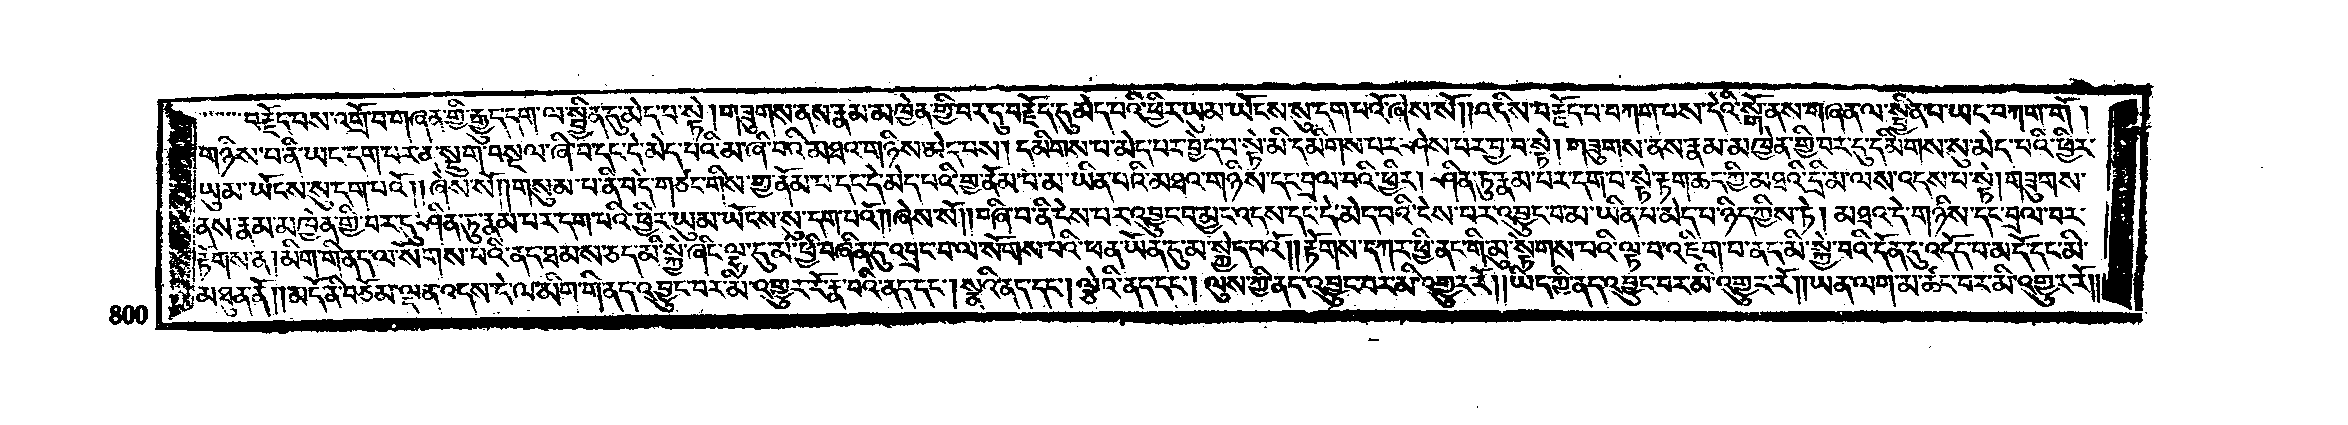བརྗོད་པས་འགྲོ་བ་གཞན་གྱི་རྒྱུད་དག་ལ་སྦྱིན་དུ་མེད་པ་སྟེ། གཟུགས་ནས་རྣམ་མཁྱེན་གྱི་བར་དུ་བརྗོད་དུ་མེད་པའི་ཕྱིར་ཡུམ་ཡོངས་སུ་དག་པའོ་ཞེས་སོ། །འདིས་བརྗོད་པ་བཀག་པས་དེའི་སྒོ་ནས་གཞན་ལ་སྦྱིན་པ་ཡང་བཀག་གོ །
གཉིས་པ་ནི་ཡང་དག་པར་ན་སྡུག་བསྔལ་ཞི་བ་དང་དེ་མེད་པའི་མ་ཞི་བའི་མཐའ་གཉིས་མེད་པས། དམིགས་པ་མེད་པར་བྱེད་པ་སྟེ་མི་དམིགས་པར་ཤེས་པར་བྱ་བ་སྟེ། གཟུགས་ནས་རྣམ་མཁྱེན་གྱི་བར་དུ་དམིགས་སུ་མེད་པའི་ཕྱིར་
ཡུམ་ཡོངས་སུ་དག་པའོ། །ཞེས་སོ། །གསུམ་པ་ནི་བདེ་གཙང་གིས་གྱ་ནོམ་པ་དང་དེ་མེད་པའི་གྱ་ནོམ་པ་མ་ཡིན་པའི་མཐའ་གཉིས་དང་བྲལ་བའི་ཕྱིར། ཤིན་ཏུ་རྣམ་པར་དག་པ་སྟེ་རྟག་ཆད་ཀྱི་མཐའི་དྲི་མ་ལས་འདས་པ་སྟེ། གཟུགས་
ནས་རྣམ་མཁྱེན་གྱི་བར་དུ་ཤིན་ཏུ་རྣམ་པར་དག་པའི་ཕྱིར་ཡུམ་ཡོངས་སུ་དག་པའོ། །ཞེས་སོ། །བཞི་པ་ནི་ངེས་པར་འབྱུང་བ་མྱང་འདས་དང་དེ་མེད་པའི་ངེས་པར་འབྱུང་བ་མ་ཡིན་པ་མེད་པ་ཉིད་ཀྱིས་ཏེ། མཐའ་དེ་གཉིས་དང་བྲལ་བར་
རྟོགས་ན། མིག་གི་ནད་ལ་སོགས་པའི་ནད་ཐམས་ཅད་མི་སྐྱེ་ཞིང་ལྷ་དུ་མ་ཕྱི་བཞིན་དུ་འབྲང་བ་ལ་སོགས་པའི་ཕན་ཡོན་དུ་མ་སྐྱེད་པའོ། །རྟོགས་དཀར་ཕྱི་ནང་གི་མུ་སྟེགས་པའི་ལྟ་བ་འཇིག་པ་ནད་མི་སྐྱེ་བའི་དོན་དུ་འདོད་པ་མདོ་དང་མི་
མཐུན་ནོ། །མདོ་ནི་བཅོམ་ལྡན་འདས་དེ་ལ་མིག་གི་ནད་འབྱུང་བར་མི་འགྱུར་རོ་རྣ་བའི་ནད་དང་། སྣའི་ནད་དང་། ལྕེའི་ནད་དང་། ལུས་ཀྱི་ནད་འབྱུང་བར་མི་འགྱུར་རོ། །ཡིད་ཀྱི་ནད་འབྱུང་བར་མི་འགྱུར་རོ། །ཡན་ལག་མ་ཚང་བར་མི་འགྱུར་རོ། །